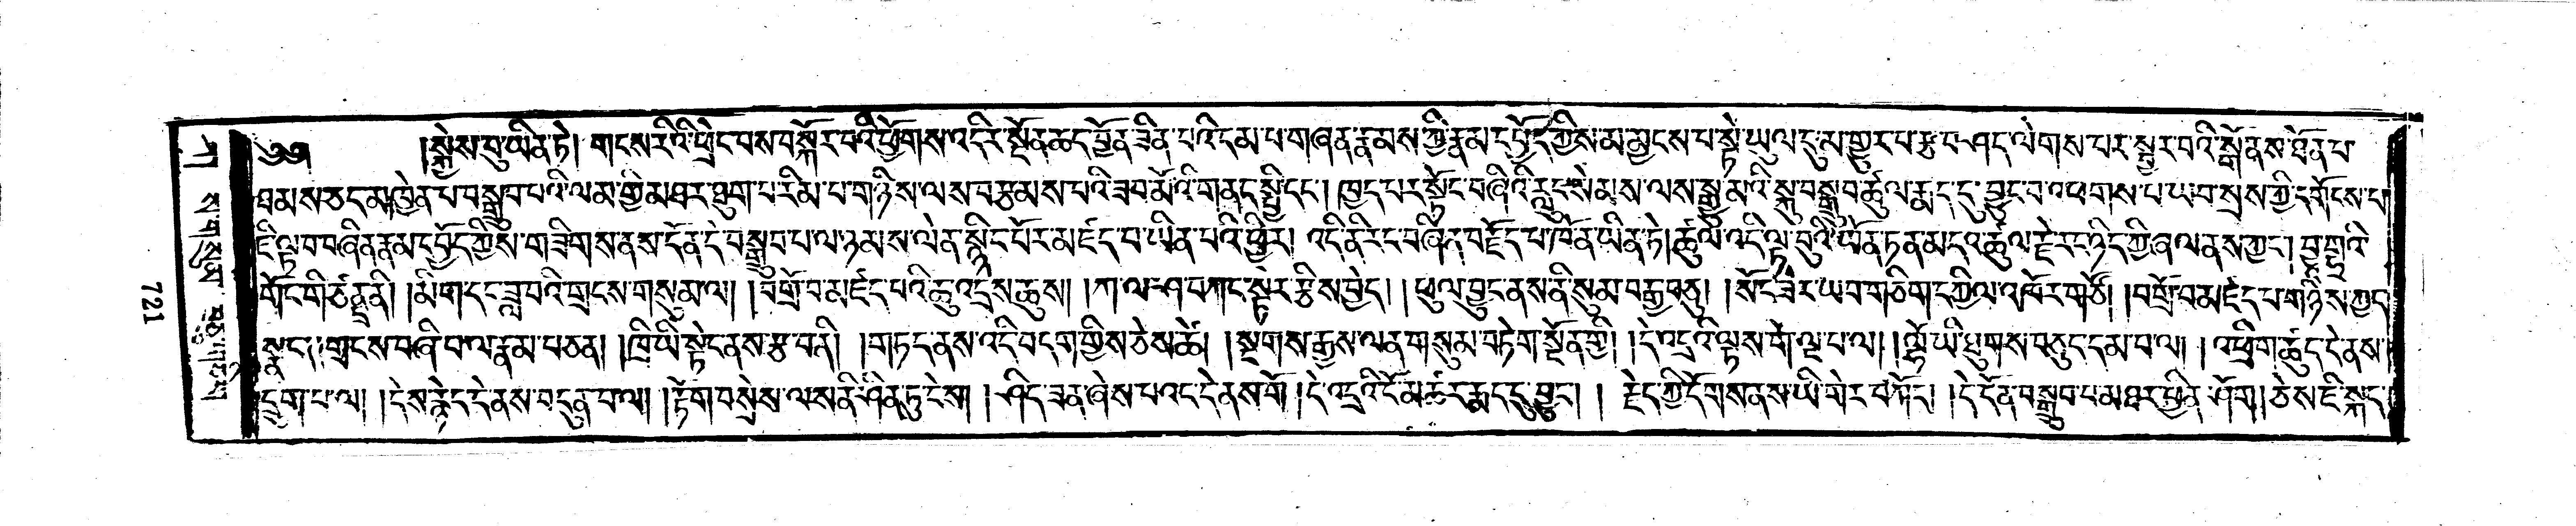༄༅། །སྐྱེས་བུ་ཡིན་ཏེ། གངས་རིའི་ཕྲེང་བས་བསྐོར་བའི་ཕྱོགས་འདིར་སྔོན་ཆད་བྱོན་ཟིན་པའི་དམ་པ་གཞན་རྣམས་ཀྱི་རྣམ་དཔྱོད་ཀྱིས་མ་མྱངས་པ་སྟེ་ཡུལ་དུ་མ་གྱུར་པ་མ་བཤད་ལེགས་པར་སྦྱར་བའི་སྒོ་ནས་ཐོན་པ་
ཐམས་ཅད་མཁྱེན་པ་བསྒྲུབ་པའི་ལམ་གྱི་མཐར་ཐུག་པ་རིམ་པ་གཉིས་ལས་བརྩམས་པའི་ཟབ་མོའི་གནད་སྤྱི་དང་། ཁྱད་པར་སྟོང་བཞིའི་རླུང་སེམས་ལས་སྒྱུ་མའི་སྐུ་བསྒྲུབ་ཚུལ་རྨད་དུ་བྱུང་བ་འཕགས་པ་ཡབ་སྲས་ཀྱི་དགོངས་པ་
ཇི་ལྟ་བ་བཞིན་རྣམ་དཔྱོད་ཀྱིས་གཟིགས་ནས་དོན་དེ་བསྒྲུབ་པ་ལ་ཉམས་ལེན་སྙིང་པོར་མཛད་པ་ཡིན་པའི་ཕྱིར། འདི་ནི་རང་བཞིན་བརྗོད་པ་ཁོ་ན་ཡིན་ཏེ། ཚུལ་འདི་ལྟ་བུའི་ཡོན་ཏན་མངའ་ཚུལ་རྗེ་རང་ཉིད་ཀྱི་ཞལ་ནས་ཀྱང་། བྱཱ་གྷྲའི་
གོང་གི་ཙནྡྲ་ནི། །མིག་དང་ཟླ་བའི་གྲངས་གསུམ་ལ། །བགྲོ་བ་མཛད་པའི་ཆུ་འདྲེས་ཆུས། །ཀ་ལ་ཤ་བཀང་སྟེར་རྩིས་བྱེད། །ཕུལ་བྱུང་ནས་ནི་སུམ་བརྒྱ་བཅུ། །སོང་ཟེར་ཡབ་གཅིག་དཀྱིལ་འཁོར་གཙོ། །བགྲོ་བ་མཛད་པ་གཉིས་ཀྱང་
སྣང་། །གྲངས་བཞི་པ་ལ་རྣམ་པ་ཅན། །ཁྲི་ཡི་སྟེང་ནས་རྩ་བ་ནི། །གཏད་ནས་འདི་བདག་གྱིས་ཅེས་ཚེ། །སྔགས་རྒྱས་ལན་གསུམ་བཏེག་སྔོན་གྱི། །དེ་འདྲའི་ལྟས་གོ་ལྔ་པ་ལ། །ལྷོ་ཡི་ཐུགས་བཅུད་དམ་པ་ལ། །འཕྲིག་ཚུད་དེ་ནས་
དྲུག་པ་ལ། །དེས་རྙེད་དེ་ནས་བདུན་པ་ལ། །རྟོག་བསྲེས་ལས་ནི་ཤིན་ཏུ་ངེས། །ཤིད་ཟན་ཞེས་པའང་དེ་ནས་གོ །དེ་འདྲའི་ངོ་མཚར་རྨད་དུ་བྱུང་། །རྗེད་ཀྱི་དོགས་ནས་ཡི་གེར་བཀོད། །དེ་དོན་བསྒྲུབ་པ་མཐར་ཕྱིན་ཤོག །ཅེས་ཇི་སྐད་